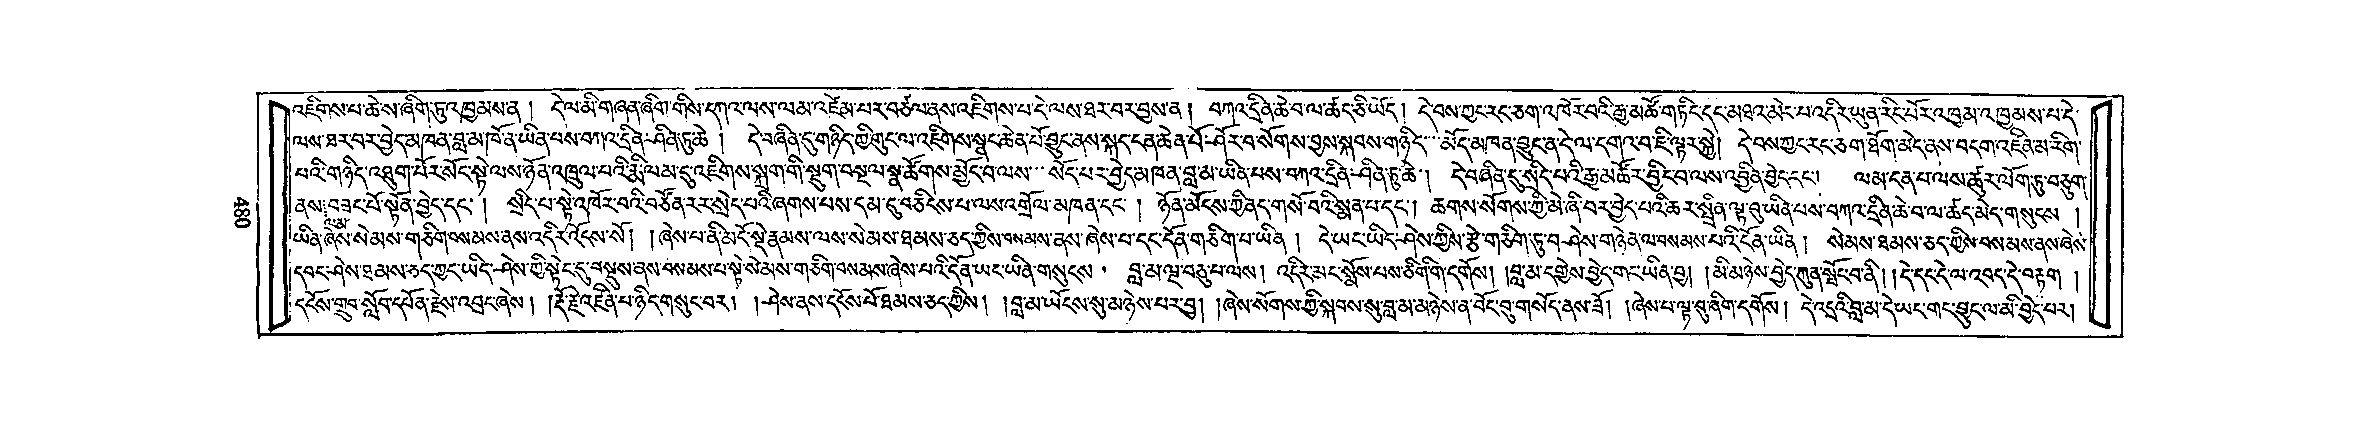འཇིགས་པ་ཆེ་ས་ཞིག་ཏུ་འཁྱམས་ན། དེ་ལ་མི་གཞན་ཞིག་གིས་དཀའ་ལས་ལམ་འཛེམ་པར་བཙལ་ནས་འཇིགས་པ་དེ་ལས་ཐར་བར་བྱས་ན། བཀའ་དྲིན་ཆེ་བ་ལ་ཚད་ཅི་ཡོད། དེ་བས་ཀྱང་རང་ཅག་འཁོར་བའི་རྒྱ་མཚོ་གཏིང་དང་མཐའ་མེད་པ་འདིར་ཡུན་རིང་པོར་འཁྱམ་འཁྱམས་པ་དེ་
ལས་ཐར་བར་བྱེད་མཁན་བླ་མ་ཁོ་ན་ཡིན་པས་བཀའ་དྲིན་ཤིན་ཏུ་ཆེ། དེ་བཞིན་དུ་གཉིད་ཀྱི་གུང་ལ་འཇིགས་སྣང་ཆེན་པོ་བྱུང་ནས་སྐད་ངན་ཆེན་པོ་ཤོར་བ་སོགས་བྱས་སྐབས་གཉིད་མོད་མཁན་བྱུང་ན་དེ་ལ་དགའ་བ་ཇི་ལྟར་སྐྱེ། དེ་བས་ཀྱང་རང་ཅག་ཐོག་མེད་ནས་བདག་འཛིན་མ་རིག་
པའི་གཉིད་འཐུག་པོར་སོང་སྟེ་ལས་ཉོན་འཁྲུལ་པའི་རྨི་ལམ་དུ་འཇིགས་སྐྲག་གི་སྡུག་བསྔལ་སྣ་ཚོགས་མྱོང་བ་ལས་སོད་པར་བྱེད་མཁན་བླ་མ་ཡིན་པས་བཀའ་དྲིན་ཤིན་ཏུ་ཆེ། དེ་བཞིན་དུ་སྲིད་པའི་རྒྱ་མཚོར་བྱིང་བ་ལས་འབྱིན་བྱེད་དང་། ལམ་ངན་པ་ལས་ཚུར་ལོག་ཏུ་བཅུག་
ནས་ལམ་བཟང་པོ་སྟོན་བྱེད་དང་། སྲིད་པ་སྟེ་འཁོར་བའི་བཙོན་རར་སྲེད་པའི་ཞགས་པས་དམ་དུ་བཅིངས་པ་ལས་འགྲོལ་མཁན་དང་། ཉོན་མོངས་ཀྱི་ནད་གསོ་བའི་སྨན་པ་དང་། ཆགས་སོགས་ཀྱི་མེ་ཞི་བར་བྱེད་པའི་ཆར་སྤྲིན་ལྟ་བུ་ཡིན་པས་བཀའ་དྲིན་ཆེ་བ་ལ་ཚད་མེད་གསུངས།
ཡིན་ཞེས་སེམས་གཅིག་བསམས་ནས་འདིར་འོངས་སོ། །ཞེས་པ་ནི་མདོ་སྡེ་རྣམས་ལས་སེམས་ཐམས་ཅད་ཀྱིས་བསམས་ནས་ཞེས་པ་དང་དོན་གཅིག་པ་ཡིན། དེ་ཡང་ཡིད་ཤེས་ཀྱིས་རྩེ་གཅིག་ཏུ་བཤེས་གཉེན་ལ་བསམས་པའི་དོན་ཡིན། སེམས་ཐམས་ཅད་ཀྱིས་བསམས་ནས་ཞེས་
དབང་ཤེས་ཐམས་ཅད་ཀྱང་ཡིད་ཤེས་ཀྱི་སྟེང་དུ་བསྡུས་ནས་བསམས་པ་སྟེ་སེམས་གཅིག་བསམས་ཞེས་པའི་དོན་ཡང་ཡིན་གསུངས། བླ་མ་ལྔ་བཅུ་པ་ལས། འདིར་མང་སྨོས་པས་ཅིག་གི་དགོས། བླ་མ་དགྱེས་བྱེད་གང་ཡིན་བྱ། །མི་མཉེས་བྱེད་ཀུན་སྤོང་བ་ནི། །དེ་དང་དེ་ལ་འབད་དེ་བརྟག །
དངོས་གྲུབ་སློབ་དཔོན་རྗེས་འབྲང་ཞེས། །རྡོ་རྗེ་འཛིན་པ་ཉིད་གསུང་བར། །ཤེས་ནས་དངོས་པོ་ཐམས་ཅད་ཀྱིས། །བླ་མ་ཡོངས་སུ་མཉེས་པར་བྱ། །ཞེས་སོགས་ཀྱི་སྐབས་སུ་བླ་མ་མཉེས་ན་བོང་བུ་གསོད་ནས་ཟོ། །ཞེས་པ་ལྟ་བུ་ཞིག་དགོས། དེ་འདྲའི་བླ་མ་དེ་ཡང་གང་བྱུང་ལ་མི་བྱེད་པར།